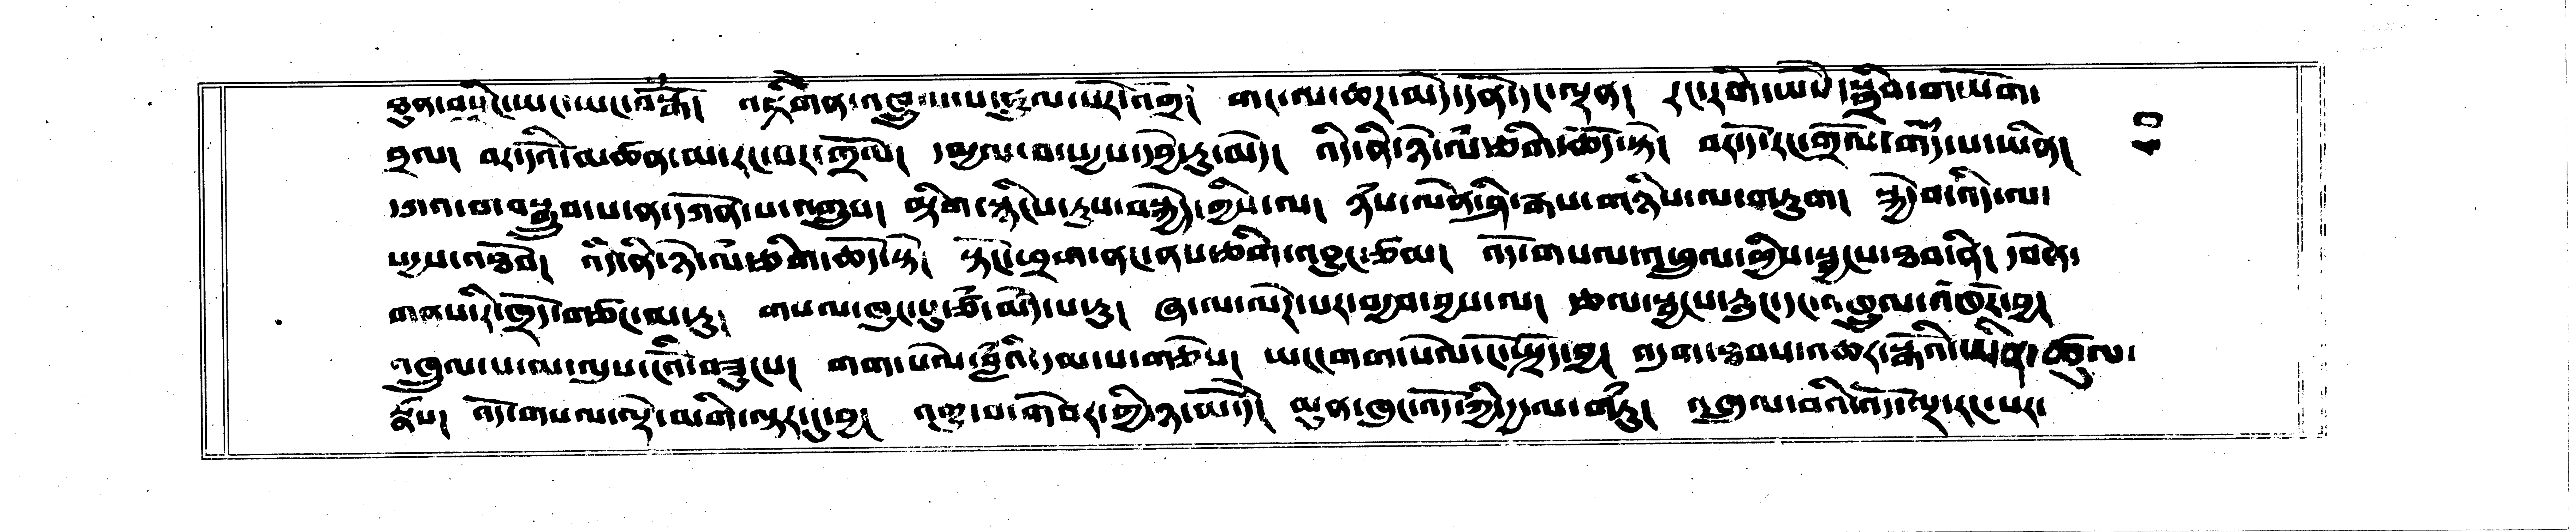ཐུན་བསྲིང་ཡང་ཡང་བསྒོམ། འཇིག་རྟེན་འཁྲུལ་པ་ཧྲུལ་པོར་འགྲོ། གང་ལ་ཆགས་མེད་དོན་དང་ལྡན། རང་རིག་ཡེ་ཤེས་སྒྲིབ་གཡོགས་
བྲལ། བར་དོའི་མཚན་མ་རང་སར་གྲོལ། དམྱལ་བ་སངས་རྒྱས་དབྱེ་རུ་མེད། འདི་ནི་ཉེ་ལམ་ཅིག་ཆོད་དེ། བར་དོ་རང་གྲོལ་གདམས་པ་ཡིན།
དཀའ་བ་བསྒྲུབ་ན་དཀོན་པ་འགྲུབ། མི་རྟག་སྙིང་རུས་བསྐྱེད་གྱིས་ལ། ཉམས་ལེན་ཤི་རྒས་གཉིས་ལ་གཏུག སྐྱེ་བ་འདི་ལ་
སངས་རྒྱས་འཐོབ། འདི་ནི་ཉེ་ལམ་གཅིག་ཆོད་དེ། སྟོང་ཕྲག་ནང་ནས་གཅིག་འབྱུང་ཙམ། འོད་གསལ་འཕྲུལ་གྱིས་སྦྱངས་ཐབས་ནི། དབེན་
གནས་རི་ཁྲོད་གཙང་མ་རུ། གསལ་ཁུང་སྤུ་ཙམ་མེད་པ་རུ། ཞལ་ལ་ལེགས་པར་བརྒྱབ་བྱས་ལ། རྩལ་སྦྱངས་རླུང་དང་འཁྲུལ་འཁོར་བྱ། 
འཁྲུལ་པ་མ་ལུས་ངོ་ཡིས་བཟུང་། གག་སེལ་བླ་མའི་གདམས་པ་གཅེས། ཡང་ཡང་གག་སེལ་ངོ་སྤྲོད་བྱ། འདུག་ཐབས་འཆར་སྒོའི་ཡིན་ཚུལ་
རྣམས། འོད་གསལ་ལྡེ་མིག་ལྟར་དུ་བྱ། འགྱུ་བ་གསེར་གྱི་ཉ་མོ་དེ། མུན་ཁུང་འོད་ཀྱི་རྒྱ་ལ་བཏུམས། འཁྲུལ་པའི་འོད་ལྔ་རང་སར་